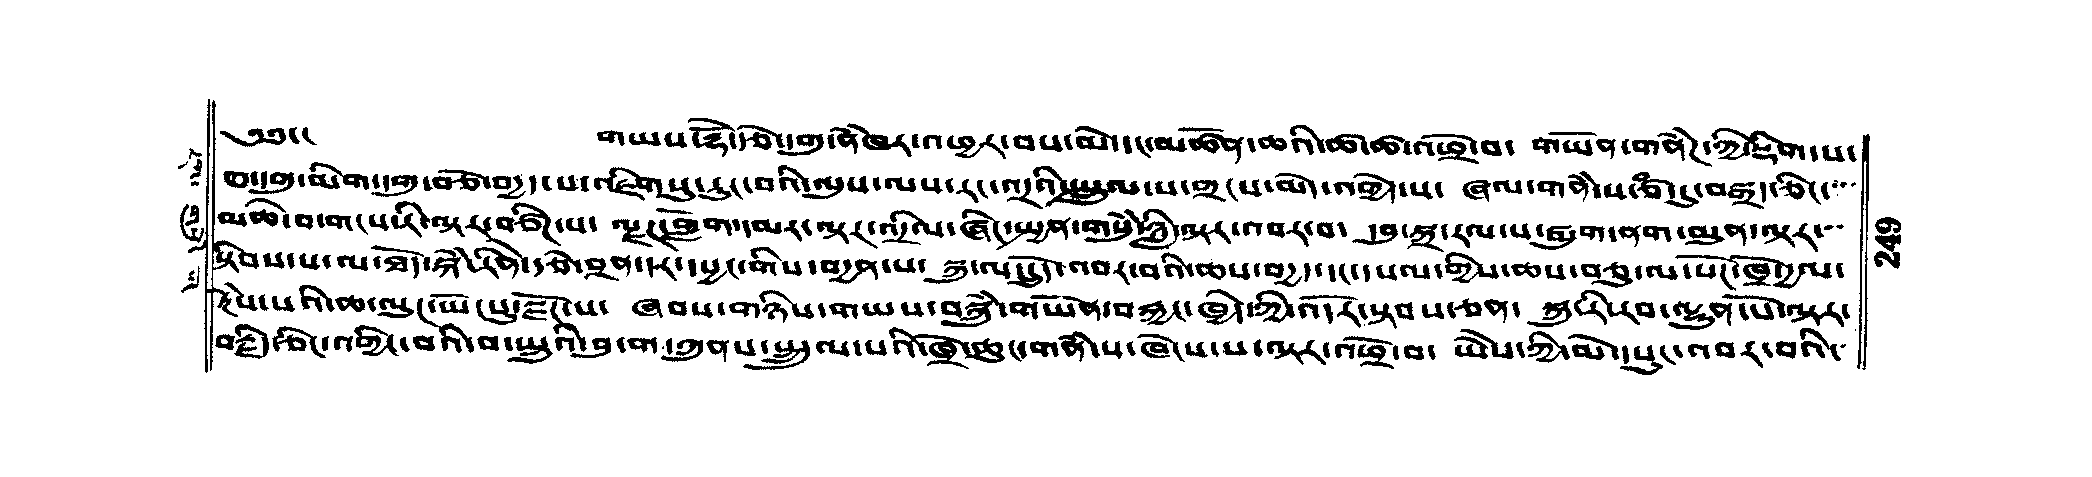གཡས་རྡོ་རྗེ་རྩེ་དགུ་ནམ་མཁར་འཕྱར་བས་མེ་དང་མཚོན་ཆའི་ཚ་ཚ་འཕྲོ་བ། གཡོན་གནམ་ལྕགས་ཀྱི་སྡིག་པ་
ཁ་དགུ་མིག་དགུ་བཅོ་་བརྒྱད་པ་འཇིགས་སུ་རུང་བའི་ལུས་ལས་རང་འདྲའི་སྤྲུལ་པ་གྲངས་མེད་འགྱེད་པ། ཞལ་གནམ་ས་ཙམ་དུ་བསྒྲད་ཅིང་
མཆེ་བ་གངས་རི་་ལྟར་བཙིགས་པ། ལྗགས་གློག་དམར་ལྟར་འདྲིལ་ཞིང་སྤྱན་གསུམ་ཉི་ཟླ་ལྟར་འབར་བ། དབུ་སྐྲ་རལ་པ་སྨུག་ནག་མུན་ལྟར་
སྟིབས་པ་ལ་ཐོད་སྐམ་རིན་ཆེན་རྩེ་བྲན་དར་དཔྱང་གིས་བརྒྱན་པ། སྐུ་ལ་དུད་ཁྲོད་འབར་བའི་ཆས་བརྒྱད་དང་དཔལ་གྱིས་ཆས་བཅུ་ལ་སོགས་ཁྲོ་རྒྱལ་
རྔམས་པའི་ཆ་ལུགས་ཡོངས་སུ་རྫོགས་པ། ཞབས་གཉིས་གཡས་བསྐུམ་གཡོན་བརྐྱང་ཁྱེད་ཀྱི་འདོར་སྟབས་ཅན། སྐུ་རི་རབ་ལྷུན་པོ་ལྟར་
བརྗིད་ཅིང་འགྱིང་བའི་བ་སྤུའི་བུ་ག་ཀུན་ནས་སྤྲུལ་པའི་ཁྲོ་ཆུང་གནམ་ས་ཁེངས་པ་ལྟར་འཕྲོ་བ། ཡེ་ཤེས་ཀྱི་མེ་དཔུང་་འབར་བའི་